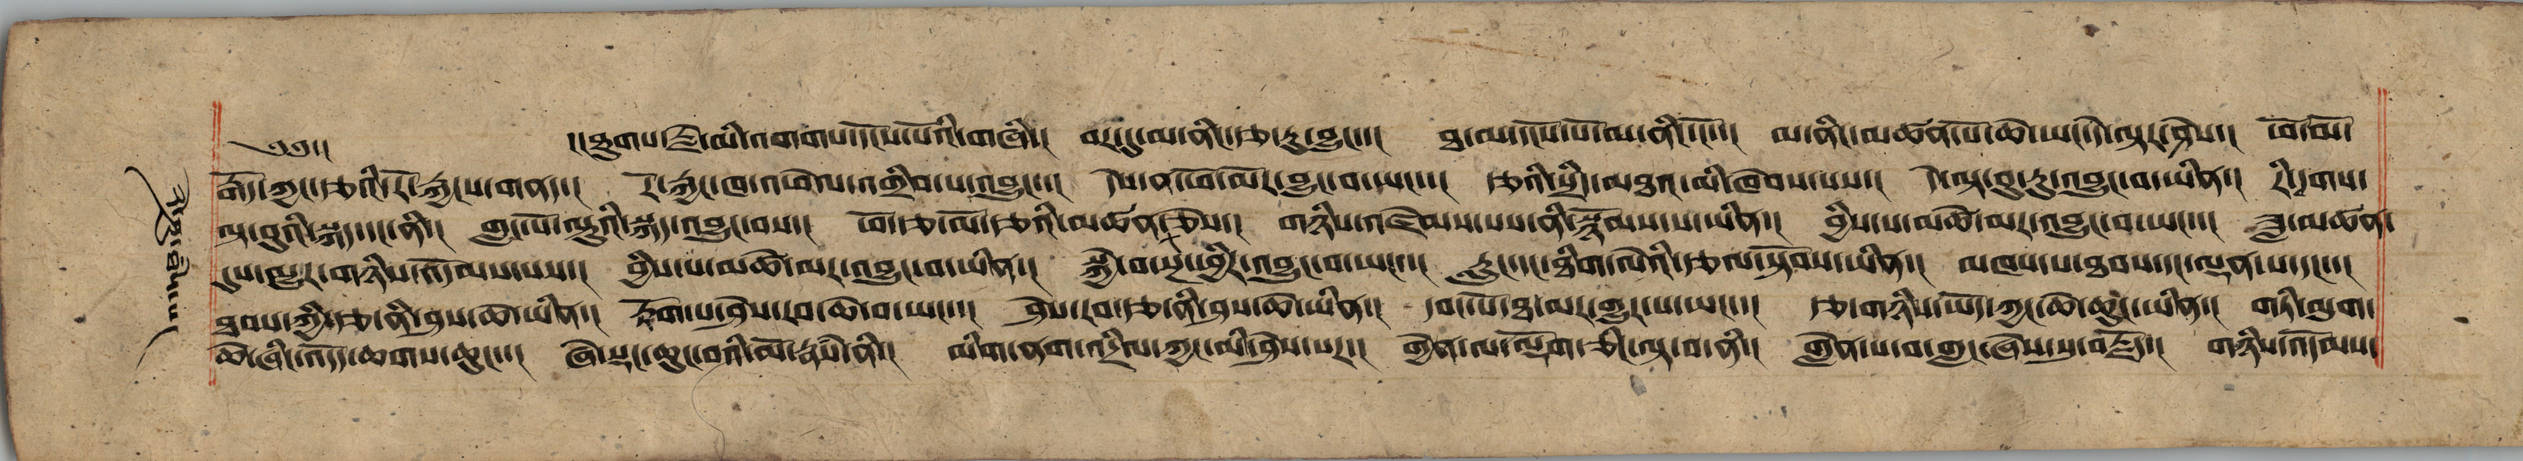༄༅་། ་།ཐུགས་རྗེ་མི་འགགས་དངོས་པོའི་གཞི་། བར་དུ་མ་ནིང་རྩ་རུ་བྱུང་་། ཐ་མ་དངོས་པོ་མ་ནིང་ངོ་་། མ་ནིང་མཚན་པོ་ཆེ་ཡང་དེ་ལྟར་ཤེས་། ཕོ་མོ་
རྒོད་ཀྱང་རྩའི་རོ་རྐྱངས་གནད་། རོ་རྐྱང་ཁ་འཕེལ་འགྲིབ་པ་འབྱུང་་། དེས་ན་ཕོ་མོར་བྱུང་བ་ཡང་་། རྩའི་སྲིད་མཐའ་མི་ཁེབས་པས་། དེ་ལྟར་བུ་རུ་འབྱུང་བ་ཡིན་། རི་དྭགས་
ལྟ་བུའི་སྐད་དང་ནི་། གླང་པོ་ལྟུའི་སྐད་འབྱུང་བས་། ཕོ་རྩ་མོ་རྩའི་མཚན་ཅེས་། གཉིས་འཛེམས་པས་ནི་སྙོམས་པ་ཡིན་། བྱིས་པ་མཚེ་མར་འབྱུང་བ་ཡང་་། ཟླ་མཚན་
དུས་མྱུར་གཉིས་འདོམས་པས་། བྱིས་པ་མཚེ་མར་འབྱུང་བ་ཡིན་། སྐྱེ་བ་སྔ་ཕྱིར་འབྱུང་བ་ཡང་་། རླུང་དང་ཐིག་ལེའི་རྩལ་སྟོབས་ཡིན་། མཁས་པ་ཐབས་དང་ལྡན་པ་དང་་།
ཐབས་ཀྱི་རྩ་ནི་ཤས་ཆེ་ཡིན་། རྟོག་པ་ཤེས་རབ་ཆེ་བ་ཡང་་། ཤེས་རབ་རྩ་ནི་ཤས་ཆེ་ཡིན་། དབང་པོ་ཐ་མར་གྱུར་པ་ཡང་་། རྩ་གཉིས་ཡོད་ཀྱང་ཆེ་ཆུང་ཡིན་། གཏི་མུག་
ཆེ་ཞིང་འདོད་ཆགས་ཆུང་་། ཞེ་སྡང་ཆུང་བའི་མོ་རྣཾས་ནི་། མིག་ནག་འདྲིལ་ཀྱང་མི་ཤེས་པར་། གྱེན་ལ་ལྡོག་ཅིང་ལྟ་བ་ནི་། གླེན་པ་བ་གླང་ཞེས་སུ་བརྗོད་། གཉིས་འདོམས་